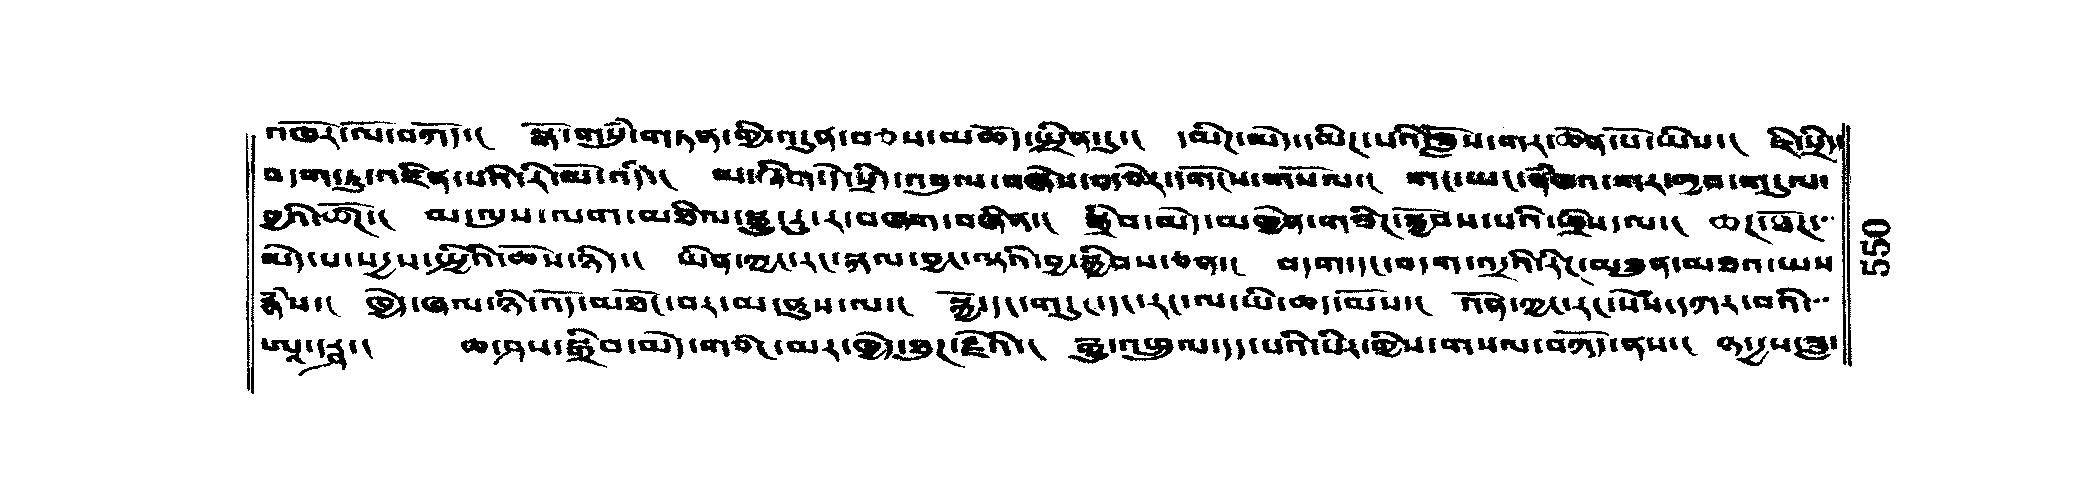འཁོར་ལོར་བཀོད། །སྒོ་གསུམ་གཏན་གྱི་འདུན་བཅས་མཆོད་སྤྲིན་དུ། །དམིགས་མེད་དམིགས་པའི་ཟློས་གར་ཆེན་པོ་ཡིས། །ཇི་སྲིད་
བདག་ཏུ་འཛིན་པའི་རི་མོ་འདི། །མ་ཞིག་དེ་སྲིད་འབུལ་བཞེས་བརྩེར་དགོངས་གསོལ། །གང་ཡང་ནམ་མཁའ་གར་ཁྱབ་གདུལ་
བྱའི་ཚོགས། །མ་ལུས་ལག་མཐིལ་སྐྱུ་རུ་ར་བཞག་བཞིན། །སྒྲིབ་མེད་མཁྱེན་གཟིགས་སྐྱོབ་པའི་ཕྲིན་ལས་ལ། །ཆགས་ཐོགས་
མེད་པ་སངས་རྒྱས་སྤྱིའི་ཆོས་ཉིད། །ཡིན་ཀྱང་རང་སྐལ་བྱང་ལྟའི་བྱ་སྐྱིབས་ཅན། །བདག་དང་བདག་འདྲའི་རིགས་མཐུན་མཐའ་ཡས་
རྣམས། །ཁྱེད་ཞལ་ཉི་འོད་མཐོང་བར་མ་ནུས་ལ། །སྐྱོ་དང་གདུང་དང་རང་ལ་ཡི་ཆད་མོས། །འོན་ཀྱང་རང་སེམས་དཀར་བའི་
ཨཱ་དརྴ། །ཆ་ཤས་སྒྲིབ་མེད་གཙང་མར་ཁྱེད་ཐུགས་རྗེའི། །སྒྱུ་འཕྲུལ་དད་པའི་པིར་གྱིས་གསལ་བཀོད་ནས། །ཉ་རྒྱས་ཟླ་